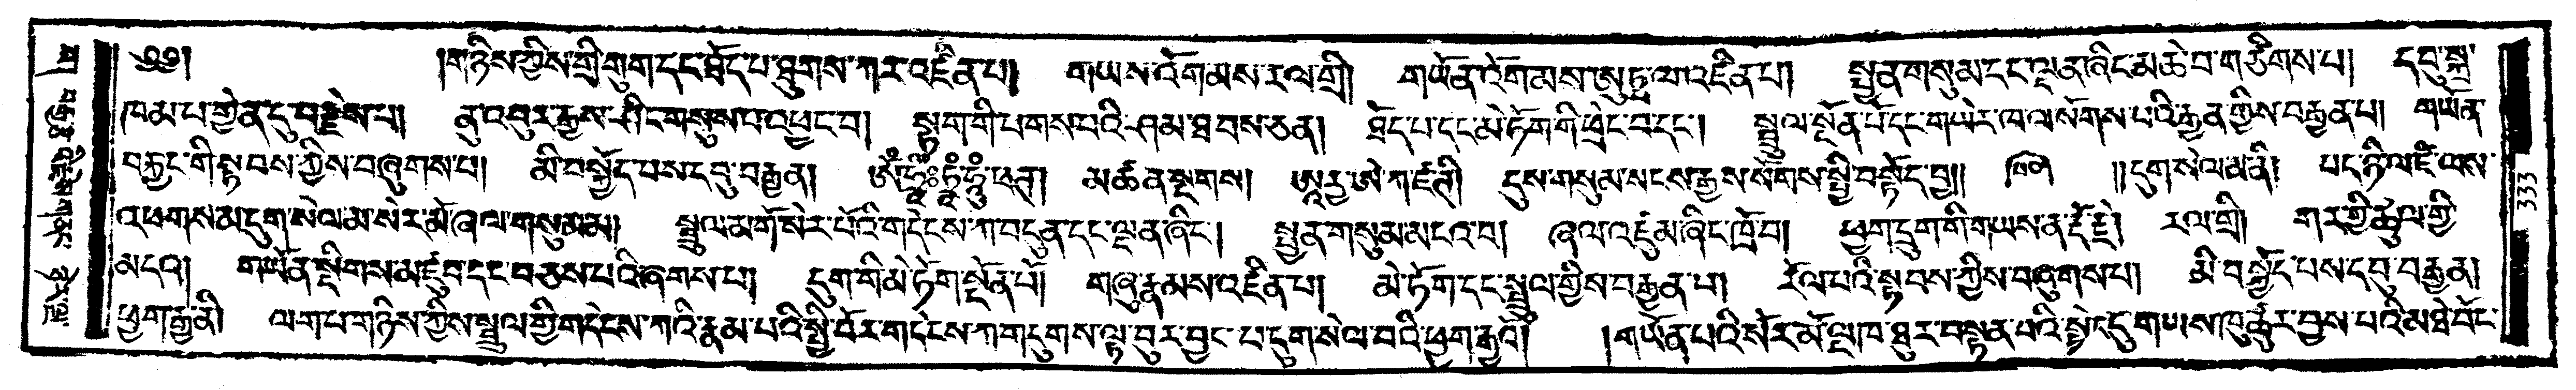༄༅། །གཉིས་ཀྱིས་གྲི་གུག་དང་ཐོད་པ་ཐུགས་ཀར་འཛིན་པ། གཡས་འོག་མས་རལ་གྲི། གཡོན་འོག་མས་ཨུཏྤལ་འཛིན་པ། སྤྱན་གསུམ་དང་ལྡན་ཞིང་མཆེ་བ་གཙིགས་པ། དབུ་སྐྲ་
ཁམ་པ་གྱེན་དུ་བརྫེས་པ། ནུ་འབུར་རྒྱས་ཤིང་གསུས་པ་འཕྱང་བ། སྟག་གི་པགས་པའི་ཤམ་ཐབས་ཅན། ཐོད་པ་དང་མེ་ཏོག་གི་ཕྲེང་བ་དང་། སྦྲུལ་སྔོན་པོ་དང་གཡེར་ཁ་ལ་སོགས་པའི་རྒྱན་གྱིས་བརྒྱན་པ། གཡོན་
བརྐྱང་གི་སྟབས་ཀྱིས་བཞུགས་པ། མི་བསྐྱོད་པས་དབུ་བརྒྱན། ཨོཾ་ཧྲཱིཿཏྲཱཾ་ཧཱུཾ་ཕཊ། མཚན་སྔགས། ཨཱརྱ་ཨེ་ཀ་ཛ་ཊི། དུས་གསུམ་སངས་རྒྱས་སོགས་སྤྱི་བསྟོད་བྱ།། ༥༠?་།།དུག་སེལ་མ་ནི། པད་ཉི་ལ་ཛི་ལས་
འཕགས་མ་དུག་སེལ་མ་སེར་མོ་ཞལ་གསུམ་མ། སྦྲུལ་མགོ་སེར་པོའི་གདེངས་ཀ་བདུན་དང་ལྡན་ཞིང་། སྤྱན་གསུམ་མངའ་བ། ཞལ་འཛུམ་ཞིང་ཁྲོ་བ། ཕྱག་དྲུག་གི་གཡས་ན་རྡོ་རྗེ། རལ་གྲི། གར་གྱི་ཚུལ་གྱི་
མདའ། གཡོན་སྡིགས་མཛུབ་དང་བཅས་པའི་ཞགས་པ། དུག་གི་མེ་ཏོག་སྔོན་པོ། གཞུ་རྣམས་འཛིན་པ། མེ་ཏོག་དང་སྤྲུལ་གྱིས་བརྒྱན་པ། རོལ་པའི་སྟབས་ཀྱིས་བཞུགས་པ། མི་བསྐྱོང་པས་དབུ་བརྒྱན།
ཕྱག་རྒྱ་ནི། ལག་པ་གཉིས་ཀྱིས་སྤྲུལ་གྱི་གདེངས་ཀའི་རྣམ་པའི་སྤྱི་བོར་གདེངས་ཀ་གདུགས་ལྟ་བུར་བྱང་པ་དུག་སེལ་བའི་ཕྱག་རྒྱའོ། །གཡོན་པའི་སོར་མོ་ལྔ་ཁ་ཐུར་བསྟན་པའི་སྟེང་དུ་གཡས་ཁུ་ཚུར་བྱས་པའི་མཐེ་བོང་